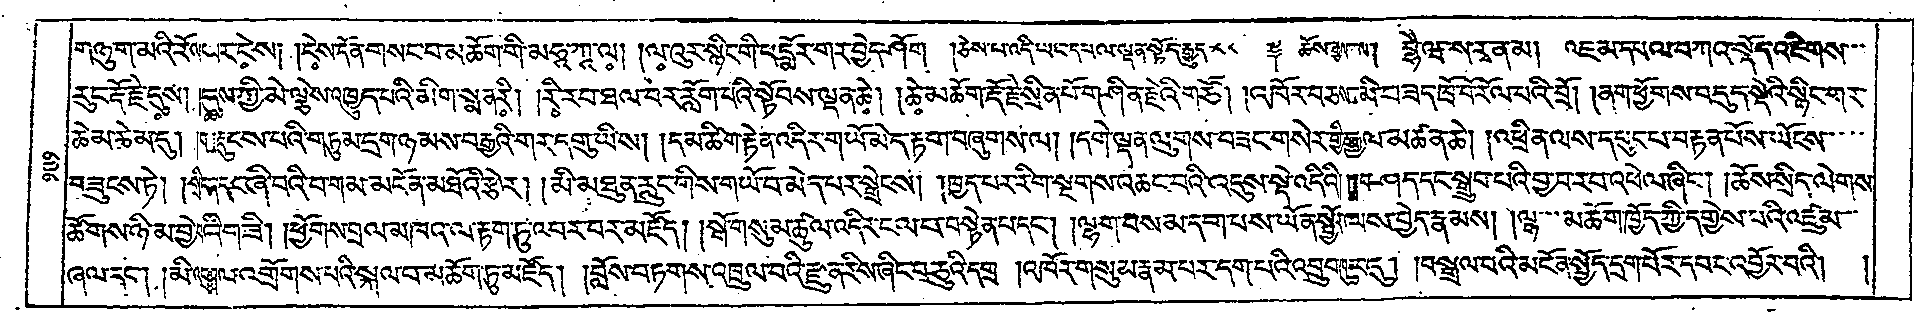གཉུག་མའི་རོལ་པར་ངེས྾། །ངེས྾་དོན་གསང་བ་མཆོག་གི་མཧཱ་ཀཱ་ལ྾། །ལ྾་འུར་སྙིང་གི་པདམོར་གར་བྱེད་ཤོག ། ཅེས་པ་འདི་ཡང་དཔལ་ལྡན་སྟོད་རྒྱུད་྾་྾་༈ ཆོས་རྒྱལ་ལ།  བྷཻ་ཝ་ས་རྭ་ན་མ། འཇམ་དཔལ་བཀའ་སྡོད་འཇིགས་
རུང་རྡོ་རྗེ་དུས྾། །དུས྾་ཀྱི་མེ་ལྕེས་འཁྱུད་པའི་མིག་སྨན་རི྾། །རི྾་རབ་ཐལ་བར་རློག་པའི་སྟོབས་ལྡན་ཆེ྾། །ཆེ྾་མཆོག་རྡོ་རྗེ་སྲིན་པོ་གཤིན་རྗེའི་གཙོ། །འཁོར་བཅས་མི་བཟད་ཁྲོ་བོ་རོལ་པའི་བྲོ། །ནག་ཕྱོགས་བདུད་སྡེའི་སྙིང་གར་
ཆེམ་ཆེམ་དུ། །བརྡུངས་པའི་གཏུམ་དྲག་ཉམས་བརྒྱའི་གར་དགུ་ཡིས། །དམ་ཚིག་རྟེན་འདིར་གཡོ་མེད་རྟག་བཞུགས་ལ། །དགེ་ལྡན་ལུགས་བཟང་གསེར་གྱི་རྒྱལ་མཚན་ཆེ། །འཕྲིན་ལས་དཔུང་པ་བརྟན་པོས་ཡོངས་
བཟུངས་ཏེ། །སྲིད་དང་ཞི་བའི་བ་གམ་མངོན་མཐོའི་རྩེར། །མི་མཐུན་རླུང་གིས་གཡོ་བ་མེད་པར་སྒྲེངས། །ཁྱད་པར་རིག་སྔགས་འཆང་བའི་འདུས་སྡེ་འདིའི། །བཤད་དང་སྒྲུབ་པའི་བྱ་བ་རབ་འཕེལ་ཞིང་། །ཆོས་སྲིད་ལེགས་
ཚོགས་ཉི་མ་བྱེ་བའི་གཟི། །ཕྱོགས་བྲལ་མཁའ་ལ་རྟག་ཏུ་འབར་བར་མཛོད། །སྒོ་གསུམ་ཚུལ་འདིར་ངལ་བ་བསྟེན་པ་དང་། །ལྷག་བསམ་དག་པས་ཡོན་སྦྱོར་ལས་བྱེད་རྣམས། །ལྷ་མཆོག་ཁྱོད་ཀྱི་དགྱེས་པའི་འཛུམ་
ཞལ་དང་། །མི་འབྲལ་འགྲོགས་པའི་སྐལ་བ་མཆོག་ཏུ་མཛོད། །བློས་བཏགས་འཁྲུལ་བའི་རྫུན་རིས་ཞིང་བཅུའི་དགྲ་།འཁོར་གསུམ་རྣམ་པར་དག་པའི་འབྲུབ་ཁུང་དུ། །བསྒྲལ་བའི་མངོན་སྤྱོད་དྲག་པོར་དབང་འབྱོར་བའི། །